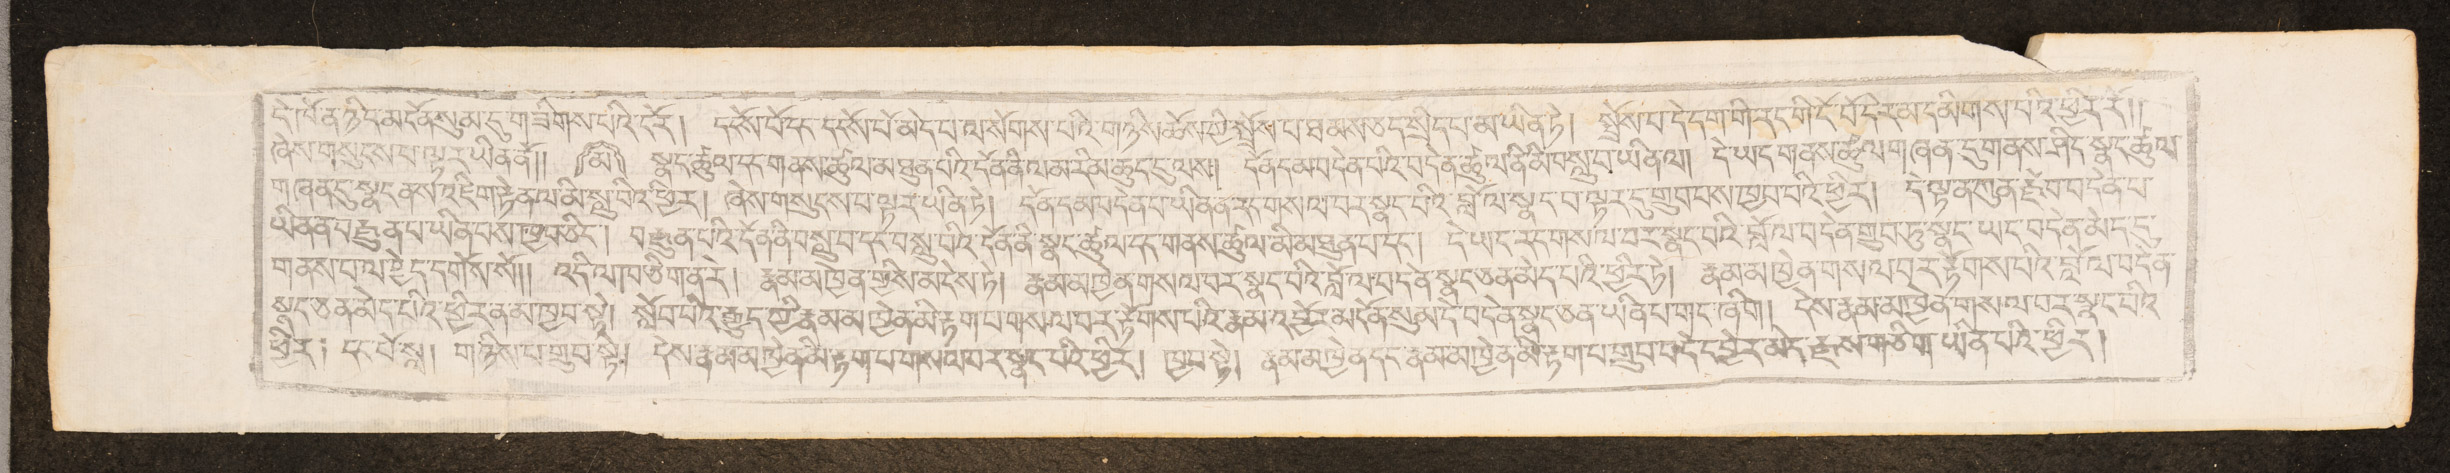དེ་ཁོ་ན་ཉིད་མངོན་སུམ་དུ་གཟིགས་པའི་ངོར། དངོས་པོ་དང་དངོས་པོ་མེད་པ་ལ་སོགས་པའི་གཉིས་ཆོས་ཀྱི་སྤྲོས་པ་ཐམས་ཅད་སྲིད་པ་མ་ཡིན་ཏེ། སྤྲོས་པ་དེ་དག་གི་རང་གི་ངོ་བོ་དེར་མ་དམིགས་པའི་ཕྱིར་རོ།།
ཞེས་གསུངས་པ་ལྟར་ཡིན་ནོ།། ༼༽མ༼༽ སྙད་ཚུལ་དང་གནས་ཚུལ་མཐུན་པའི་དོན་ནི་ལམ་རིམ་ཆུང་དུ་ལས། དོན་དམ་མ་བདེན་པའི་བདེན་ཚུལ་ནི་མི་བསླུ་བ་ཡིན་ལ། དེ་ཡང་གནས་ཚུལ་གཞན་དུ་གནས་ཤིད་སྣང་ཚུལ་
གཞན་དུ་སྣང་ནས་འཇིག་རྟེན་ལ་མི་སླུ་བའི་ཕྱིར། ཞེས་གསུངས་པ་ལྟར་ཡིན་ཏེ། དོན་དམ་བདེན་པ་ཡིན་ན་རང་གསལ་བར་སྣང་བའི་བློ་ལ་སྙད་པ་ལྟར་དུ་གྲུབ་པས་ཁྱབ་པའི་ཕྱིར། དེ་ལྟ་ན་ཀུན་རྫོབ་བདེན་པ་
ཡིན་ན་བརྫུན་པ་ཡིན་པས་ཁྱབ་ཅིང་། བརྫུན་པའི་དོན་ནི་བསླུ་བ་དང་བསླུ་བའི་དོན་ནི་སྣང་ཚུལ་དང་གནས་ཚུལ་མི་མཐུང་པ་དང་། དེ་ཡང་རང་གསལ་བར་སྣང་བའི་བློ་ལ་བདེན་གྲུབ་ཏུ་སྣང་ཡང་བདེན་མེད་དུ་
གནས་པ་ལ་བྱེད་དགོས་སོ།། འདི་ལ་ཁ་ཅིག་ན་རེ། རྣམ་མཁྱེན་གྱིས་མ་ངེས་ཏེ། རྣམ་མཁྱེན་གསལ་པར་སྙད་བའི་བློ་ལ་བདེན་སྣང་ཅན་མེད་པའི་ཕྱིར་ཏེ། རྣམ་མཁྱེན་གསལ་བར་རྟོགས་པའི་བློ་ལ་བདེན་
སྣད་ཅན་མེད་པའི་ཕྱིར་ན་མ་ཁྱབ་སྟེ། སློབ་པའི་རྒྱུད་ཀྱི་རྣམ་མཁྱེན་རྟག་པ་གསལ་བར་རྟོགས་པའི་རྣམ་འབྱོར་མངོན་གསུམ་དེ་བདེན་སྣང་བཅང་ཡིན་པ་གང་ཞིག། དེས་རྣམ་མཁྱེན་གསལ་བར་སྣང་བའི་
ཕྱིར། དང་པོ་སླ། གཉིས་པ་གྲུབ་སྟེ། དེས་རྣམ་མཁྱེན་མི་རྟག་པ་གསལ་བར་སྣང་བའི་ཕྱིར། ཁྱབ་སྟེ། རྣམ་མཁྱེན་དང་རྣམ་མཁྱེན་མི་རྟག་པ་གྲུབ་པ་དེ་དབྱེར་མེད་རྫས་གཅིག་ཡིན་པའི་ཕྱིར།